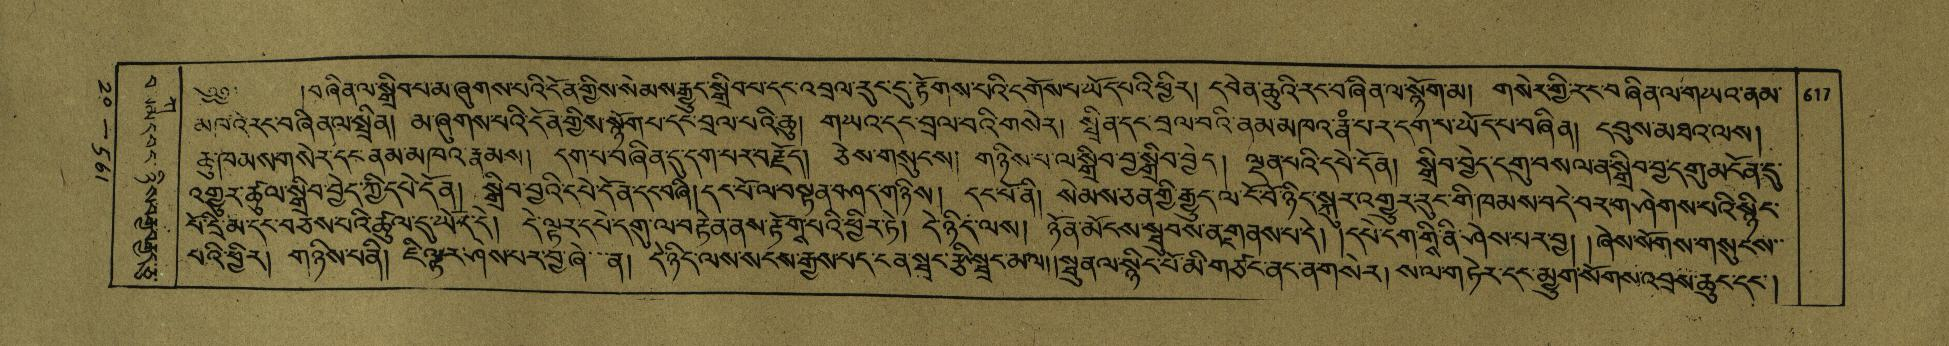༄༅། །བཞིན་ལ་སྒྲིབ་པ་མ་ཞུགས་པའི་དོན་གྱིས་སེམས་རྒྱུད་སྒྲིབ་པ་དང་འབྲལ་རུང་དུ་རྟོགས་པའི་དགོས་པ་ཡོད་པའི་ཕྱིར། དབེན་ཆུའི་རང་བཞིན་ལ་སྙོག་མ། གསེར་གྱི་རང་བཞིན་ལ་གཡའ་རྣམ་
མཁའི་རང་བཞིན་ལ་སྤྲིན། མ་ཞུགས་པའི་དོན་གྱིས་སྙོག་པ་དང་བྲལ་པའི་ཆུ། གཡཱ་དང་བྲལ་བའི་གསེར། སྤྲིན་དང་བྲལ་བའི་ནམ་མཁའ་རྣཾ་པར་དག་པ་ཡོད་པ་བཞིན། དབུས་མཐའ་ལས།
ཆུ་ཁམས་གསེར་དང་ནམ་མཁའ་རྣམས། དག་པ་བཞིན་དུ་དག་པར་བརྗོད། ཅེས་གསུངས། གཉིས་པ་ལ་སྒྲིབ་བྱ་སྒྲིབ་བྱེད། ལྡན་པའི་དཔེ་དོན། སྒྲིབ་བྱེད་དགུ་བསལ་ན་སྒྲིབ་བྱ་དགུ་མངོན་དུ་
འགྱུར་ཚུལ་སྒྲིབ་བྱེད་ཀྱི་དཔེ་དོན། སྒྲིབ་བྱའི་དཔེ་དོན་དང་བཞི། དང་པོ་ལ་བསྟན་བཤད་གཉིས། དང་པོ་ནི། སེམས་ཅན་གྱི་རྒྱུད་ལ་ངོ་བོ་ཉིད་སྐུར་འགྱུར་རུང་གི་ཁམས་བདེ་བར་གཤེགས་པའི་སྙིང་
པོ་དྲི་མ་དང་བཅས་པའི་ཚུལ་དུ་ཡོད་དེ། དེ་ལྟར་དཔེ་དགུ་ལ་བརྟེན་ནས་རྟོགས་པའི་ཕྱིར་ཏེ། དེ་ཉིད་ལས། ཉོན་མོངས་སྦུ་བས་ནང་གནས་པ་དེ། །དེ་དག་གིས་ནི་ཤེས་པར་བྱ། །ཞེས་སོགས་གསུངས་
པའི་ཕྱིར། གཉིས་པ་ནི། ཇི་ལྟར་ཤེས་པར་བྱ་ཞེ་ན། དེ་ཉིད་ལས་སངས་རྒྱས་པ་དང་ན་སྦྲང་རྩི་སྦྲང་མ་ལ། །སྦུན་ལ་སྙིང་པོ་མི་གཙང་ནང་ན་གསེར། ས་ལ་གཏེར་དང་མྱུག་སོགས་འབྲས་ཆུང་དང་།